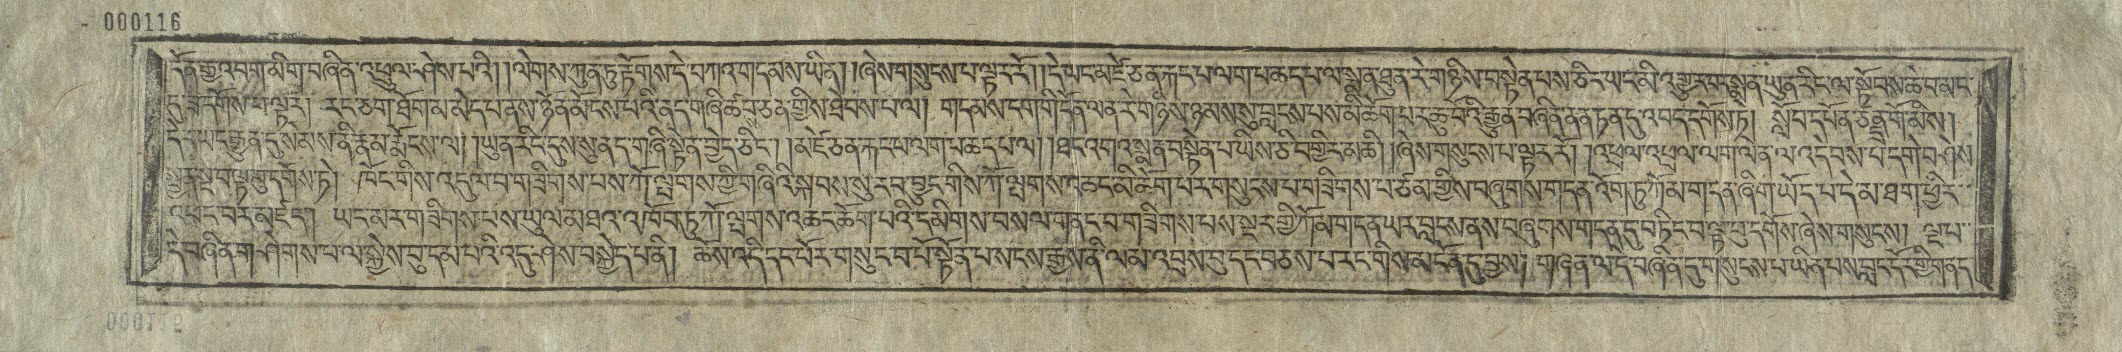དོན་རྒྱ་འབག་མིག་བཞིན་འཕྲུལ་ཤེས་པའི། །ལེགས་ཀུན་ཏུ་རྟོགས་དེ་བཀའ་གདམས་ཡིན། །ཞེས་གསུངས་པ་ལྟར་རོ། །དེ་ཡང་མཛེ་ཅན་རྐང་པ་ལག་པ་ཆད་པ་ལ་སྨན་ཐུན་རེ་གཉིས་བསྟེན་པས་ཅིར་ཡང་མི་འགྱུར་བར་སྨན་ཡུན་རིང་ལ་སྟོབས་ཆེ་བ་མང་
དུ་ཟ་དགོས་པ་ལྟར། རང་ཅག་ཐོག་མ་མེད་པ་ནས་ཉོན་མོངས་པའི་ནད་གཞི་ཚབས་ཅན་གྱིས་ཐེབས་པ་ལ། གདམས་ངག་གི་དོན་ལན་རེ་གཉིས་ཉམས་སུ་བླངས་པས་མི་ཆོག་པར་ཆུ་བོའི་རྒྱུན་བཞིན་ནན་ཏན་དུ་འབད་དགོས་ཏེ། སློབ་དཔོན་ཙནྡྲ་གོ་མིས།
དེར་ཡང་རྒྱུན་དུ་སེམས་ནི་རྣམ་རྨོངས་ལ། །ཡུན་རིང་དུས་སུ་ནད་གཞི་སྟེན་བྱེད་ཅིང་། །མཛེ་ཅན་རྐང་པ་ལག་པ་ཆད་པ་ལ། །ཐང་འགའ་སྨན་བསྟེན་པ་ཡིས་ཅི་བགྱིར་མཆི། །ཞེས་གསུངས་པ་ལྟར་རོ། །འཕྲལ་འཕྲལ་ལག་ལེན་ལ་འདེབས་པ་དགེ་བཤེས་
སྤྱན་སྔ་བ་ལྟ་བུ་དགོས་ཏེ། ཁོང་གིས་འདུལ་བ་གཟིགས་པས་ཀོ་ལྤགས་ཀྱི་གཞིའི་སྐབས་སུ་རབ་བྱུང་གིས་ཀོ་ལྤགས་འཆང་མི་ཆོག་པར་གསུངས་པ་གཟིགས་པ་ཙམ་གྱིས་བཞུགས་གདན་འོག་ཏུ་ཀོམ་གདན་ཞིག་ཡོད་པ་དེ་མ་ཐག་ཕྱིར་
འཕང་བར་མཛད། ཡང་མར་གཟིགས་པས་ཡུལ་མཐའ་འཁོབ་ཏུ་ཀོ་ལྤགས་འཆང་ཆོག་པའི་དམིགས་བསལ་གནང་བ་གཟིགས་པས་སྔར་གྱི་ཀོམ་གདན་ཡར་བླངས་ནས་བཞུགས་གདན་དུ་བཏིང་བ་ལྟ་བུ་དགོས་ཞེས་གསུངས། ལྔ་པ་
དེ་བཞིན་གཤེགས་པ་ལ་སྐྱེས་བུ་དམ་པའི་འདུ་ཤེས་བསྐྱེད་པ་ནི། ཆོས་འདི་དང་པོར་གསུང་བ་པོ་སྟོན་པ་སངས་རྒྱས་ནི་ལམ་འབྲས་བུ་དང་བཅས་པ་རང་གིས་མངོན་དུ་བྱས། གཞན་ལ་དེ་བཞིན་དུ་གསུངས་པ་ཡིན་པས་བླང་དོར་གྱི་གནད་